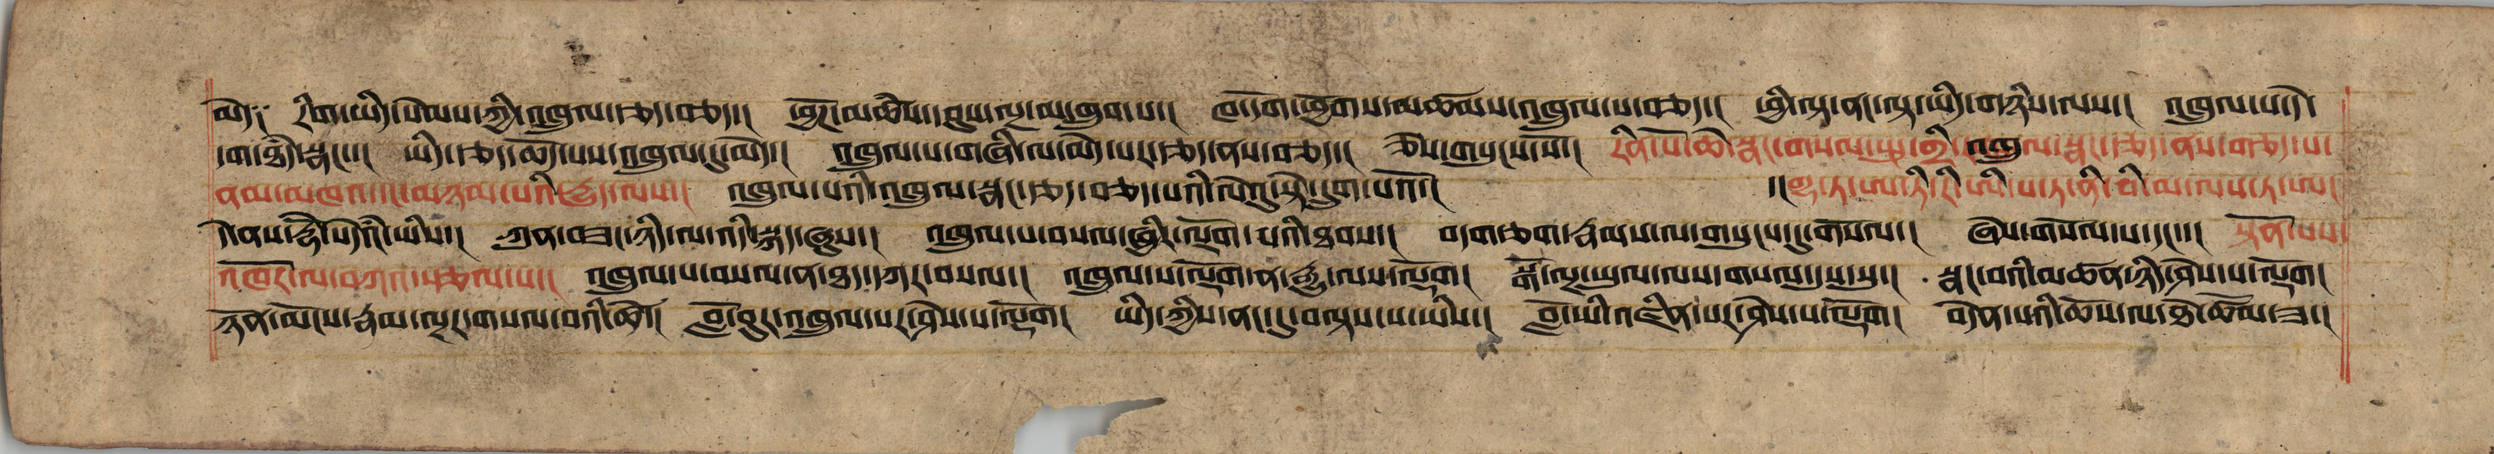མེད༑ རིག་ཡིད་སེམས་ཀྱི་འཁྲུལ་རྩད་བཅད་། ཕྱོཌ་མཚིས་དབུས་ལྔ་མ་གྲུབ་པ་། ཁ་དོག་ཕྱོགས་མཚམས་འཁྲུལ་པ་བཅད་། ཕྱི་ལྟ་ནང་ལྟ་ཡིད་གཉིས་ལས་། འཁྲུལ་པ་དེ་
དག་ཐདཾ་སྣང་། ཡིད་རྩད་ཆོད་པས་འཁྲུལ་དུ་མེད་། འཁྲུལ་པ་གཞི་ལ་མེད་པར་རྩད་ནས་བཅད་། ཅེས་གསུངས་སོ་། རིན་པོ་ཆེ་སྣང་གསལ་སྤུ་གྲི་འཁྲུལ་སྣང་རྩད་ནས་གཅད་པ་
ནམ་མཁའ་དང་མཉམ་པའི་རྒྱུད་ལས་། འཁྲུལ་པའི་འཁྲུལ་སྣང་རྩད་བཅད་པའི་ལེའུ་སྟེ་དྲུག་པའོ་། ་།གྷ་ཏ་ཨ་ཏི་རི་ཨི་པ་ཏ་ནི་བི་མ་ལས་ཏ་ཨ།
དེ་ནས་རྡོེ་སེདཾའ་ཡིས་། ཀུན་བཟང་ཉིད་ལ་འདི་སྐད་ཞུས་། འཁྲུལ་པ་བསལ་ཕྱིར་ལྡོག་པའི་ཐབས་། བདག་ཅག་རྣམས་ལ་གསུངས་དུ་གསོལ་། ཞེས་གསོལ་པ་དང་་། སྟོན་པས་
འཁོར་ལ་བཀའ་སྩལ་པ་། འཁྲུལ་པ་བསལ་ན་ཐད་དཀར་བསལ་། འཁྲུལ་པ་ལྡོག་ན་རྒྱུ་ལས་ལྡོག། སྒོ་ལྔ་ཡུལ་ལས་གསལ་དུས་སུ་། སྣང་བའི་མཚན་ཉིད་ཤེས་པ་ལྡོག།
ཉོན་མོངས་རྣམ་ལྔར་གསལ་བའི་ཚེ་། བློ་བུར་འཁྲུལ་པར་ཤེས་པ་ལྡོག། ཡིད་ཀྱིས་ནང་དུ་བལྟས་པ་ཡིས་། བློ་ཡི་འཛིན་པར་ཤེས་པ་ལྡོག། བདེན་པའི་ཆོས་ལ་ཐེ་ཚོམ་ཟ་།